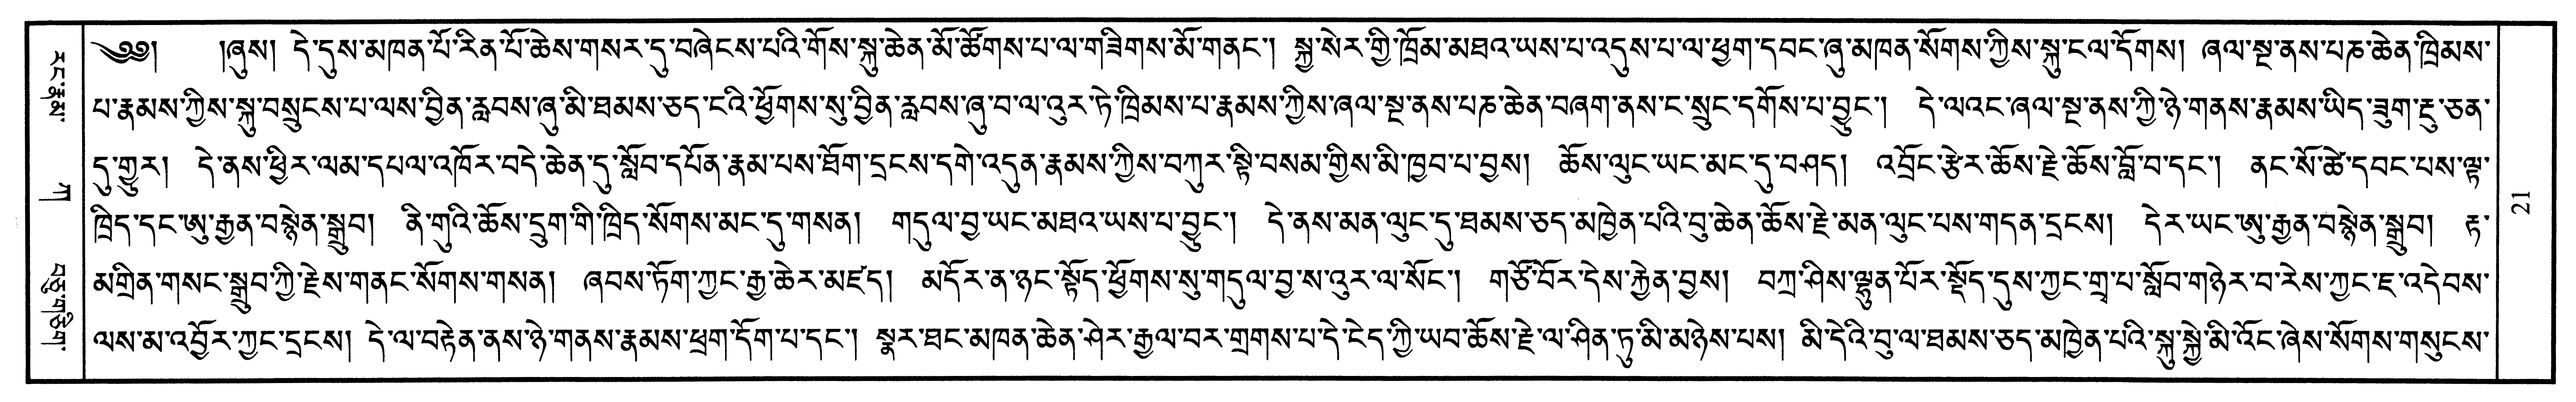༄༅། །ཞུས། དེ་དུས་མཁན་པོ་རིན་པོ་ཆེས་གསར་དུ་བཞེངས་པའི་གོས་སྐུ་ཆེན་མོ་ཚོགས་པ་ལ་གཟིགས་མོ་གནང་། སྐྱ་སེར་གྱི་ཁྲོམ་མཐའ་ཡས་པ་འདུས་པ་ལ་ཕྱག་དབང་ཞུ་མཁན་སོགས་ཀྱིས་སྐུ་ངལ་དོགས། ཞལ་སྔ་ནས་པཎ་ཆེན་ཁྲིམས་
པ་རྣམས་ཀྱིས་སྐུ་བསྲུངས་པ་ལས་བྱིན་རླབས་ཞུ་མི་ཐམས་ཅད་ངའི་ཕྱོགས་སུ་བྱིན་རླབས་ཞུ་བ་ལ་འུར་ཏེ་ཁྲིམས་པ་རྣམས་ཀྱིས་ཞལ་སྔ་ནས་པཎ་ཆེན་བཞག་ནས་ང་སྲུང་དགོས་པ་བྱུང་། དེ་ལའང་ཞལ་སྔ་ནས་ཀྱི་ཉེ་གནས་རྣམས་ཡིད་ཟུག་རྔུ་ཅན་
དུ་གྱུར། དེ་ནས་ཕྱིར་ལམ་དཔལ་འཁོར་བདེ་ཆེན་དུ་སློབ་དཔོན་རྣམ་པས་ཐོག་དྲངས་དགེ་འདུན་རྣམས་ཀྱིས་བཀུར་སྟི་བསམ་གྱིས་མི་ཁྱབ་པ་བྱས། ཆོས་ལུང་ཡང་མང་དུ་བཤད། །འབྲོང་རྩེར་ཆོས་རྗེ་ཆོས་བློ་བ་དང་། ནང་སོ་ཚེ་དབང་པས་ལྟ་
ཁྲིད་དང་ཨུ་རྒྱན་བསྙེན་སྒྲུབ། ནི་གུའི་ཆོས་དྲུག་གི་ཁྲིད་སོགས་མང་དུ་གསན། གདུལ་བྱ་ཡང་མཐའ་ཡས་པ་བྱུང་། དེ་ནས་མན་ལུང་དུ་ཐམས་ཅད་མཁྱེན་པའི་བུ་ཆེན་ཆོས་རྗེ་མན་ལུང་པས་གདན་དྲངས། དེར་ཡང་ཨུ་རྒྱན་བསྙེན་སྒྲུབ། རྟ་
མགྲིན་གསང་སྒྲུབ་ཀྱི་རྗེས་གནང་སོགས་གསན། ཞབས་ཏོག་ཀྱང་རྒྱ་ཆེར་མཛད། མདོར་ན་ཉང་སྟོད་ཕྱོགས་སུ་གདུལ་བྱ་ས་འུར་ལ་སོང་། གཙོ་བོར་དེས་རྐྱེན་བྱས། བཀྲ་ཤིས་ལྷུན་པོར་སྡོད་དུས་ཀྱང་གྲྭ་པ་སློབ་གཉེར་བ་རེས་ཀྱང་ཇ་འདེབས་
ལས་མ་འབྱོར་ཀྱང་དྲངས། དེ་ལ་བརྟེན་ནས་ཉེ་གནས་རྣམས་ཕྲག་དོག་པ་དང་། སྣར་ཐང་མཁན་ཆེན་ཤེར་རྒྱལ་བར་གྲགས་པ་དེ་ངེད་ཀྱི་ཡབ་ཆོས་རྗེ་ལ་ཤིན་ཏུ་མི་མཉེས་པས། མི་དེའི་བུ་ལ་ཐམས་ཅད་མཁྱེན་པའི་སྐུ་སྐྱེ་མི་འོང་ཞེས་སོགས་གསུངས་